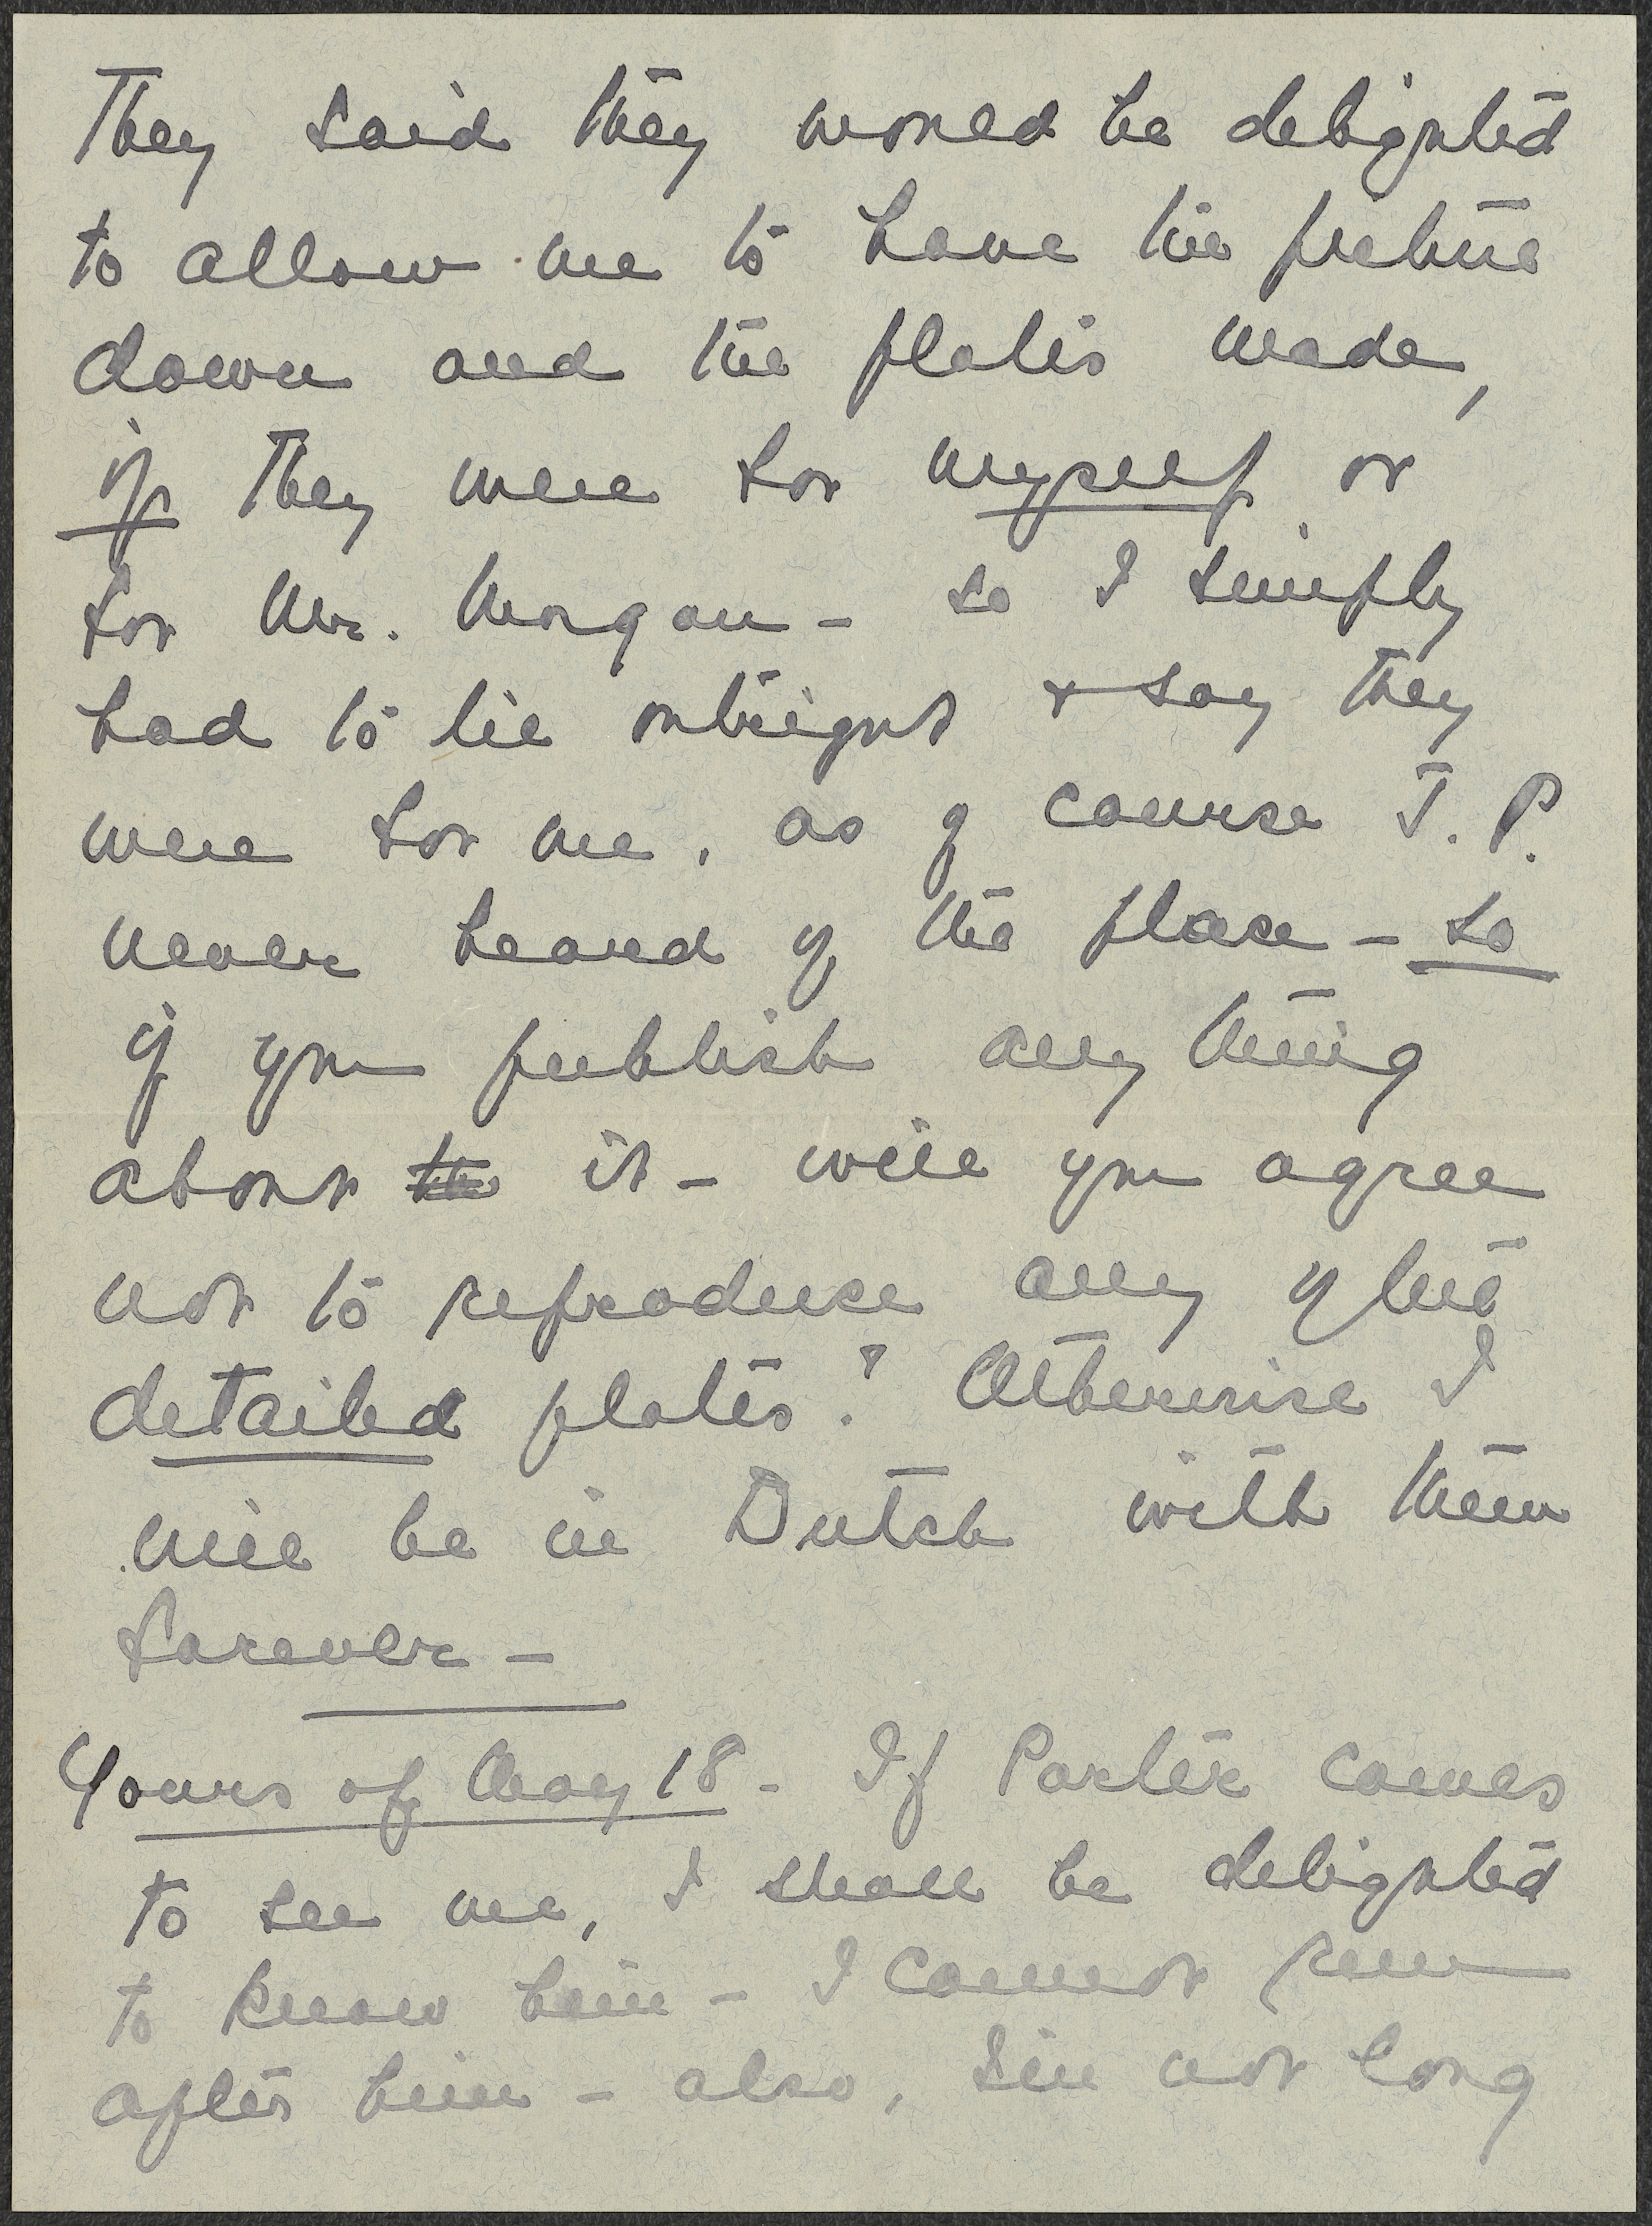They said they would be delighted to allow me to have the picture down and the plates made, if they were for myself or for Mr. Morgan – so I simply had to lie outright & say they were for me, as of course J. P. never heard of the plan – so if you publish any thing about th it – will you agree not to reproduce any of the detailed plates? Otherwise I will be in Dutch with them forever –
Yours of May 18 – If Porter comes to see me, I shall be delighted to know him – I cannot run after him – also, I’m not long